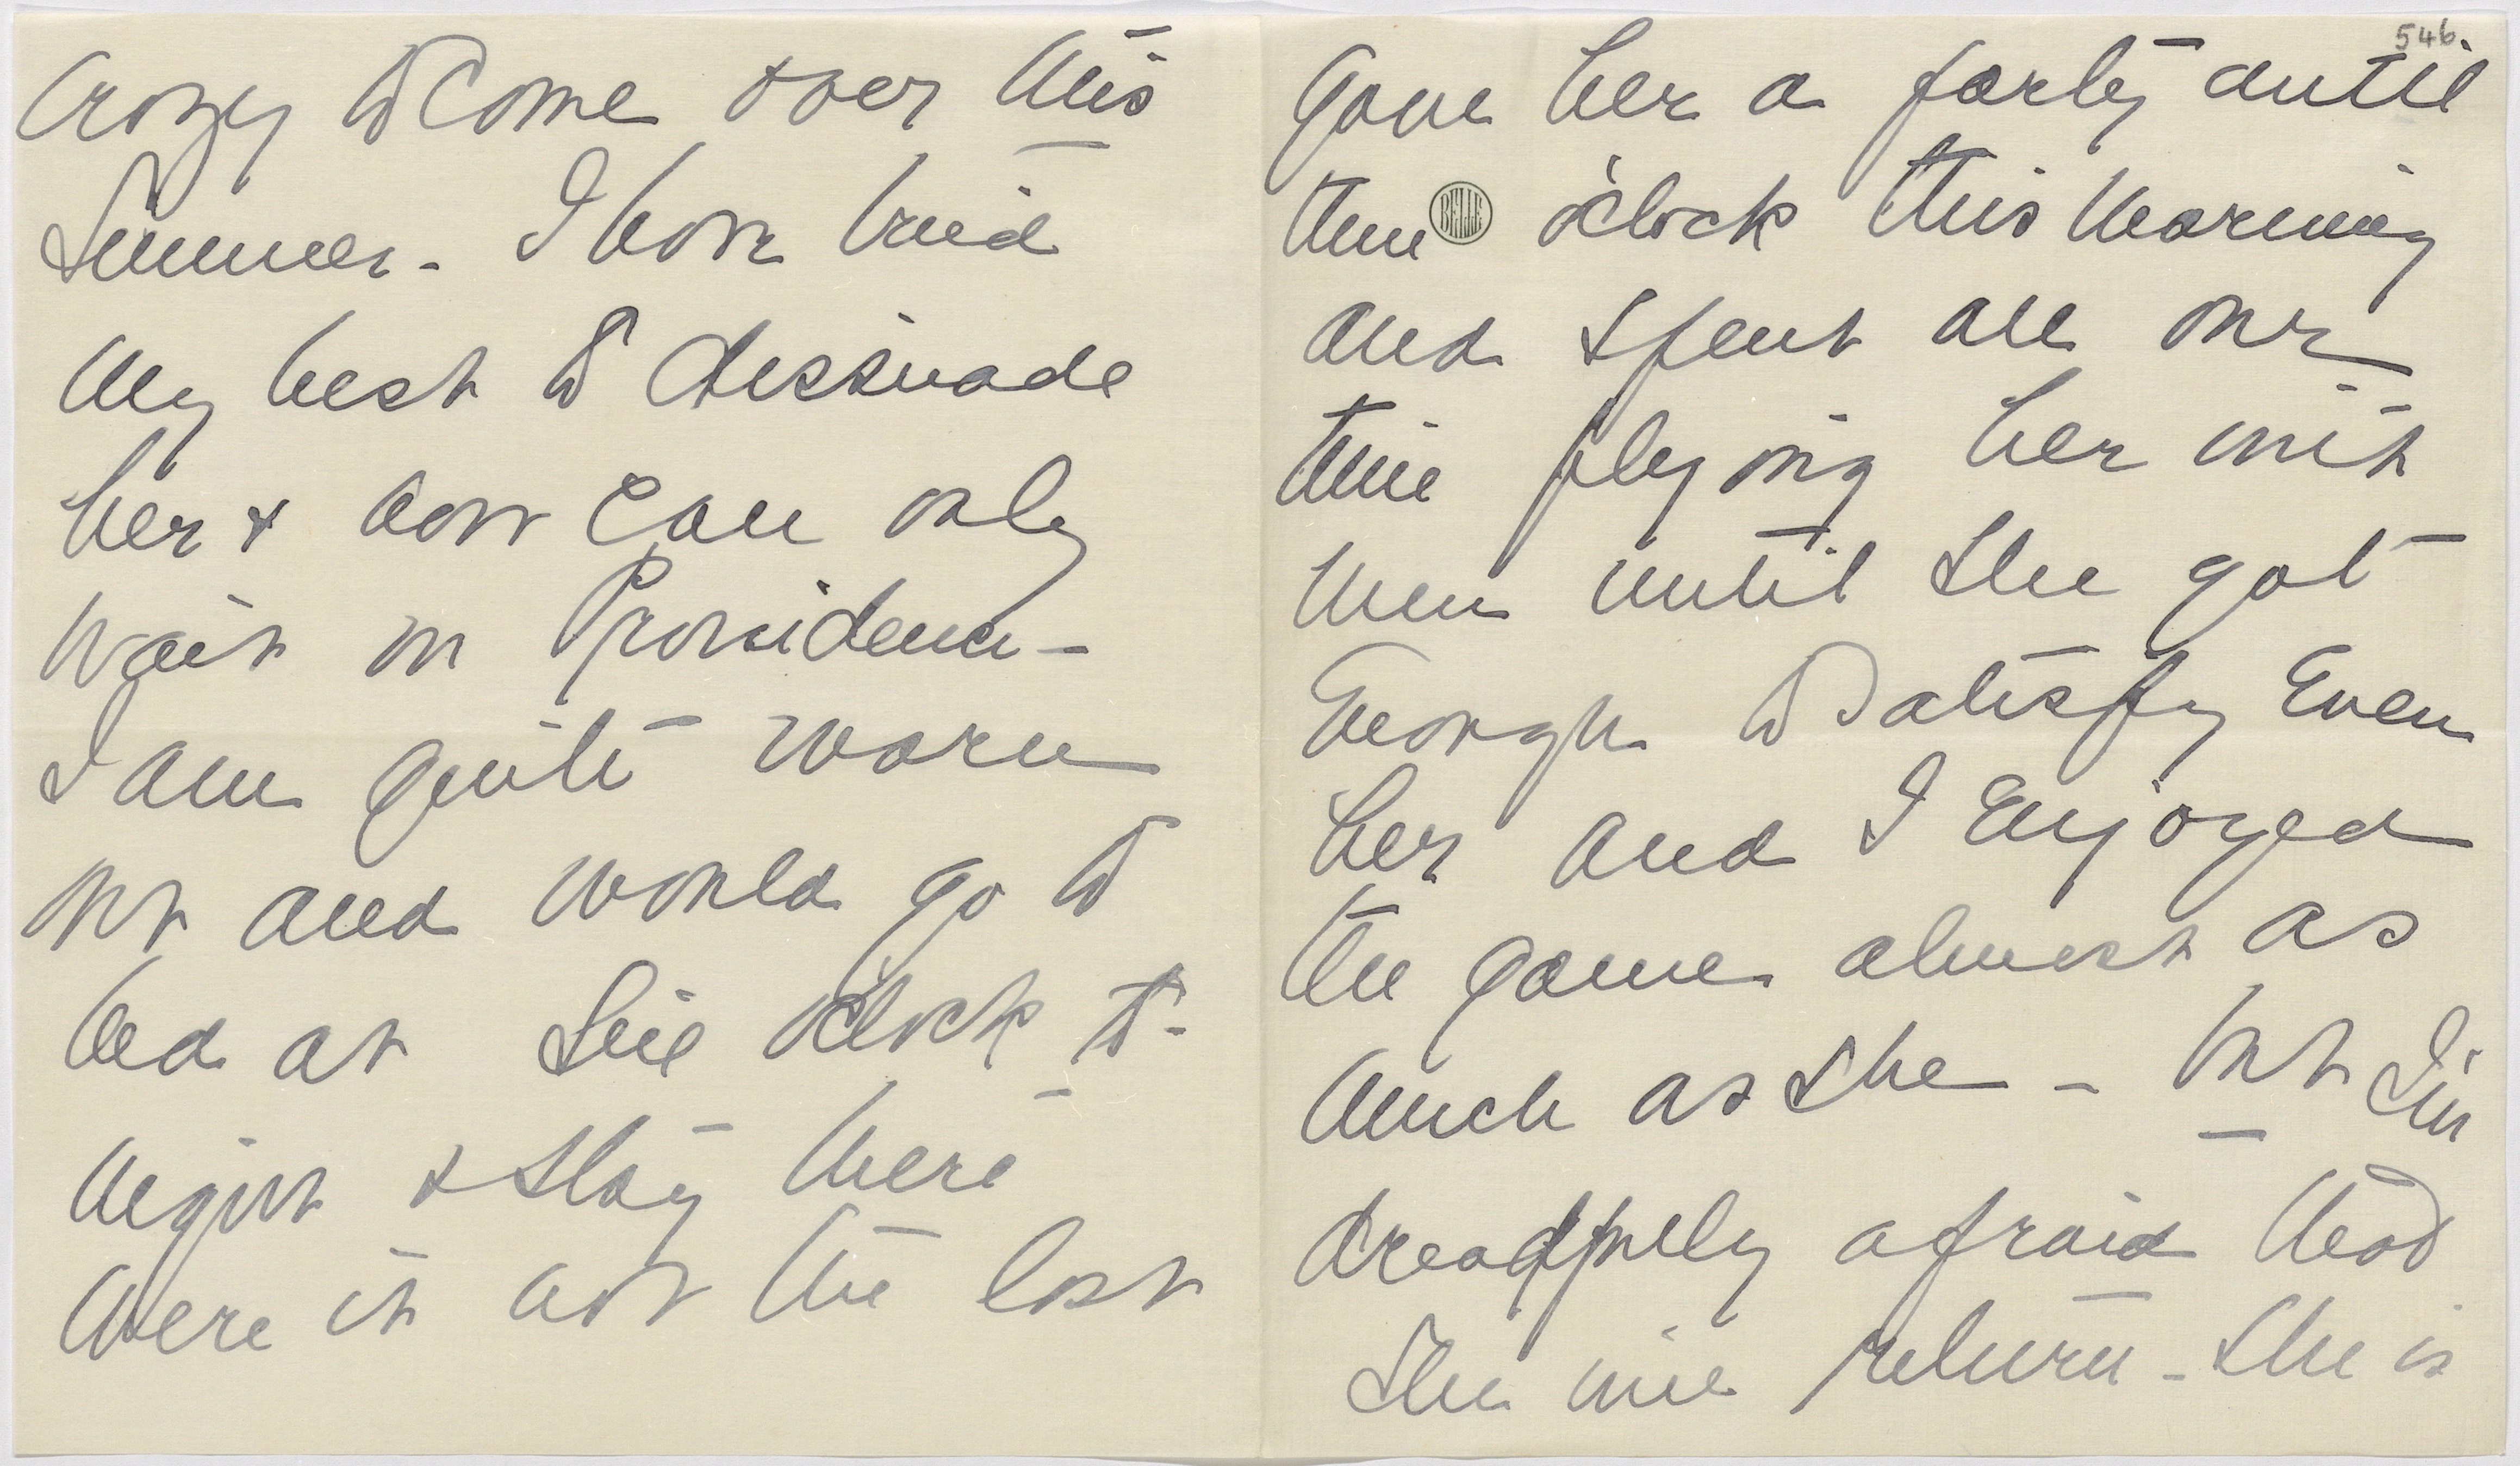gave her a party until three o’clock this morning and spent all our time plying her with men until she got Enough to satisfy even her and I enjoyed the game almost as much as she – but I’m dreadfully afraid that she will return – she is
crazy to come over this summer – I have tried my best to dissuade her & now can only wait on Providence – I am quite worn out and would go to bed at six o’clock tonight & stay there were it not the last